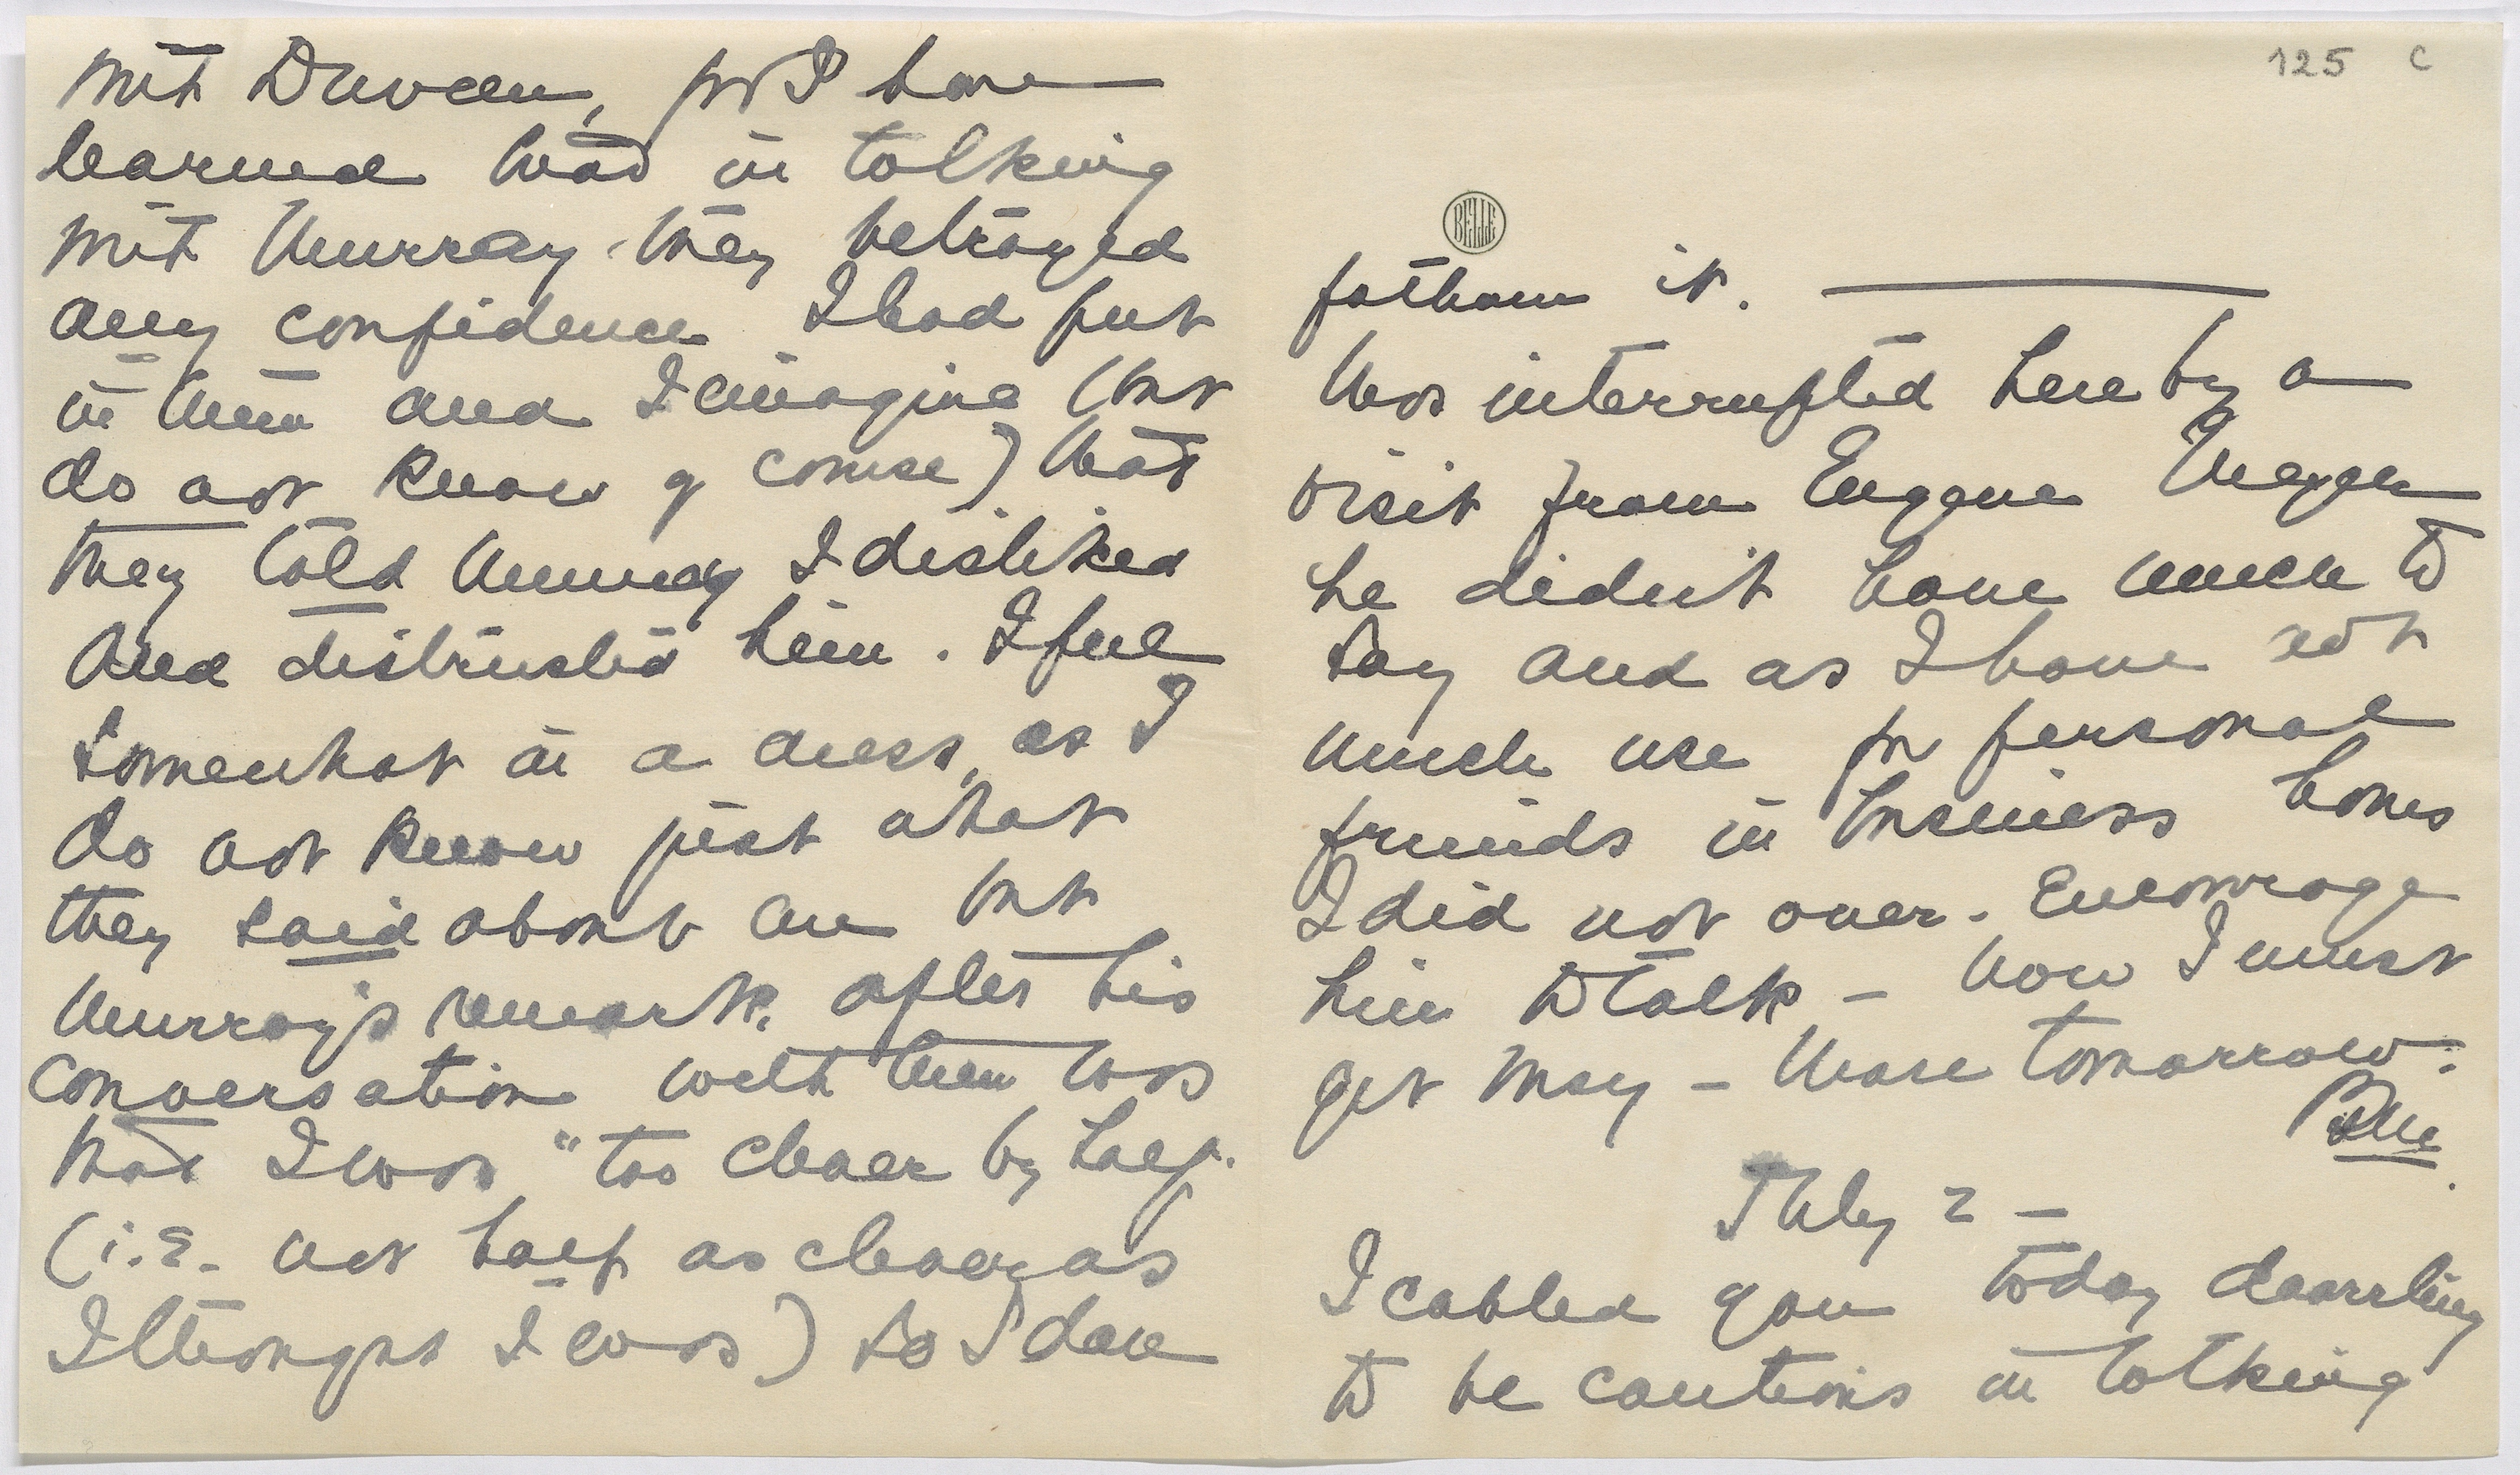fathom it.
Was interrupted here by a visit from Eugene Meyer he didn’t have much to say and as I have not much use for personal friends in business hours I did not over-encourage him to talk – Now I must get busy – more tomorrow.
Belle
July 2 –
I cabled you today daarrling to be cautious in talking
with Duveen, for I have learned that in talking with Murray they betrayed any confidence I had put in them and I imagine (but do not know of course) that they told Murray I disliked and distrusted him. I feel somewhat in a mess, as I do not know just what they said about me but Murray’s remark after his conversation with them was that I was “too clever by half” (i.e. not half as clever as I thought I was) so I dare